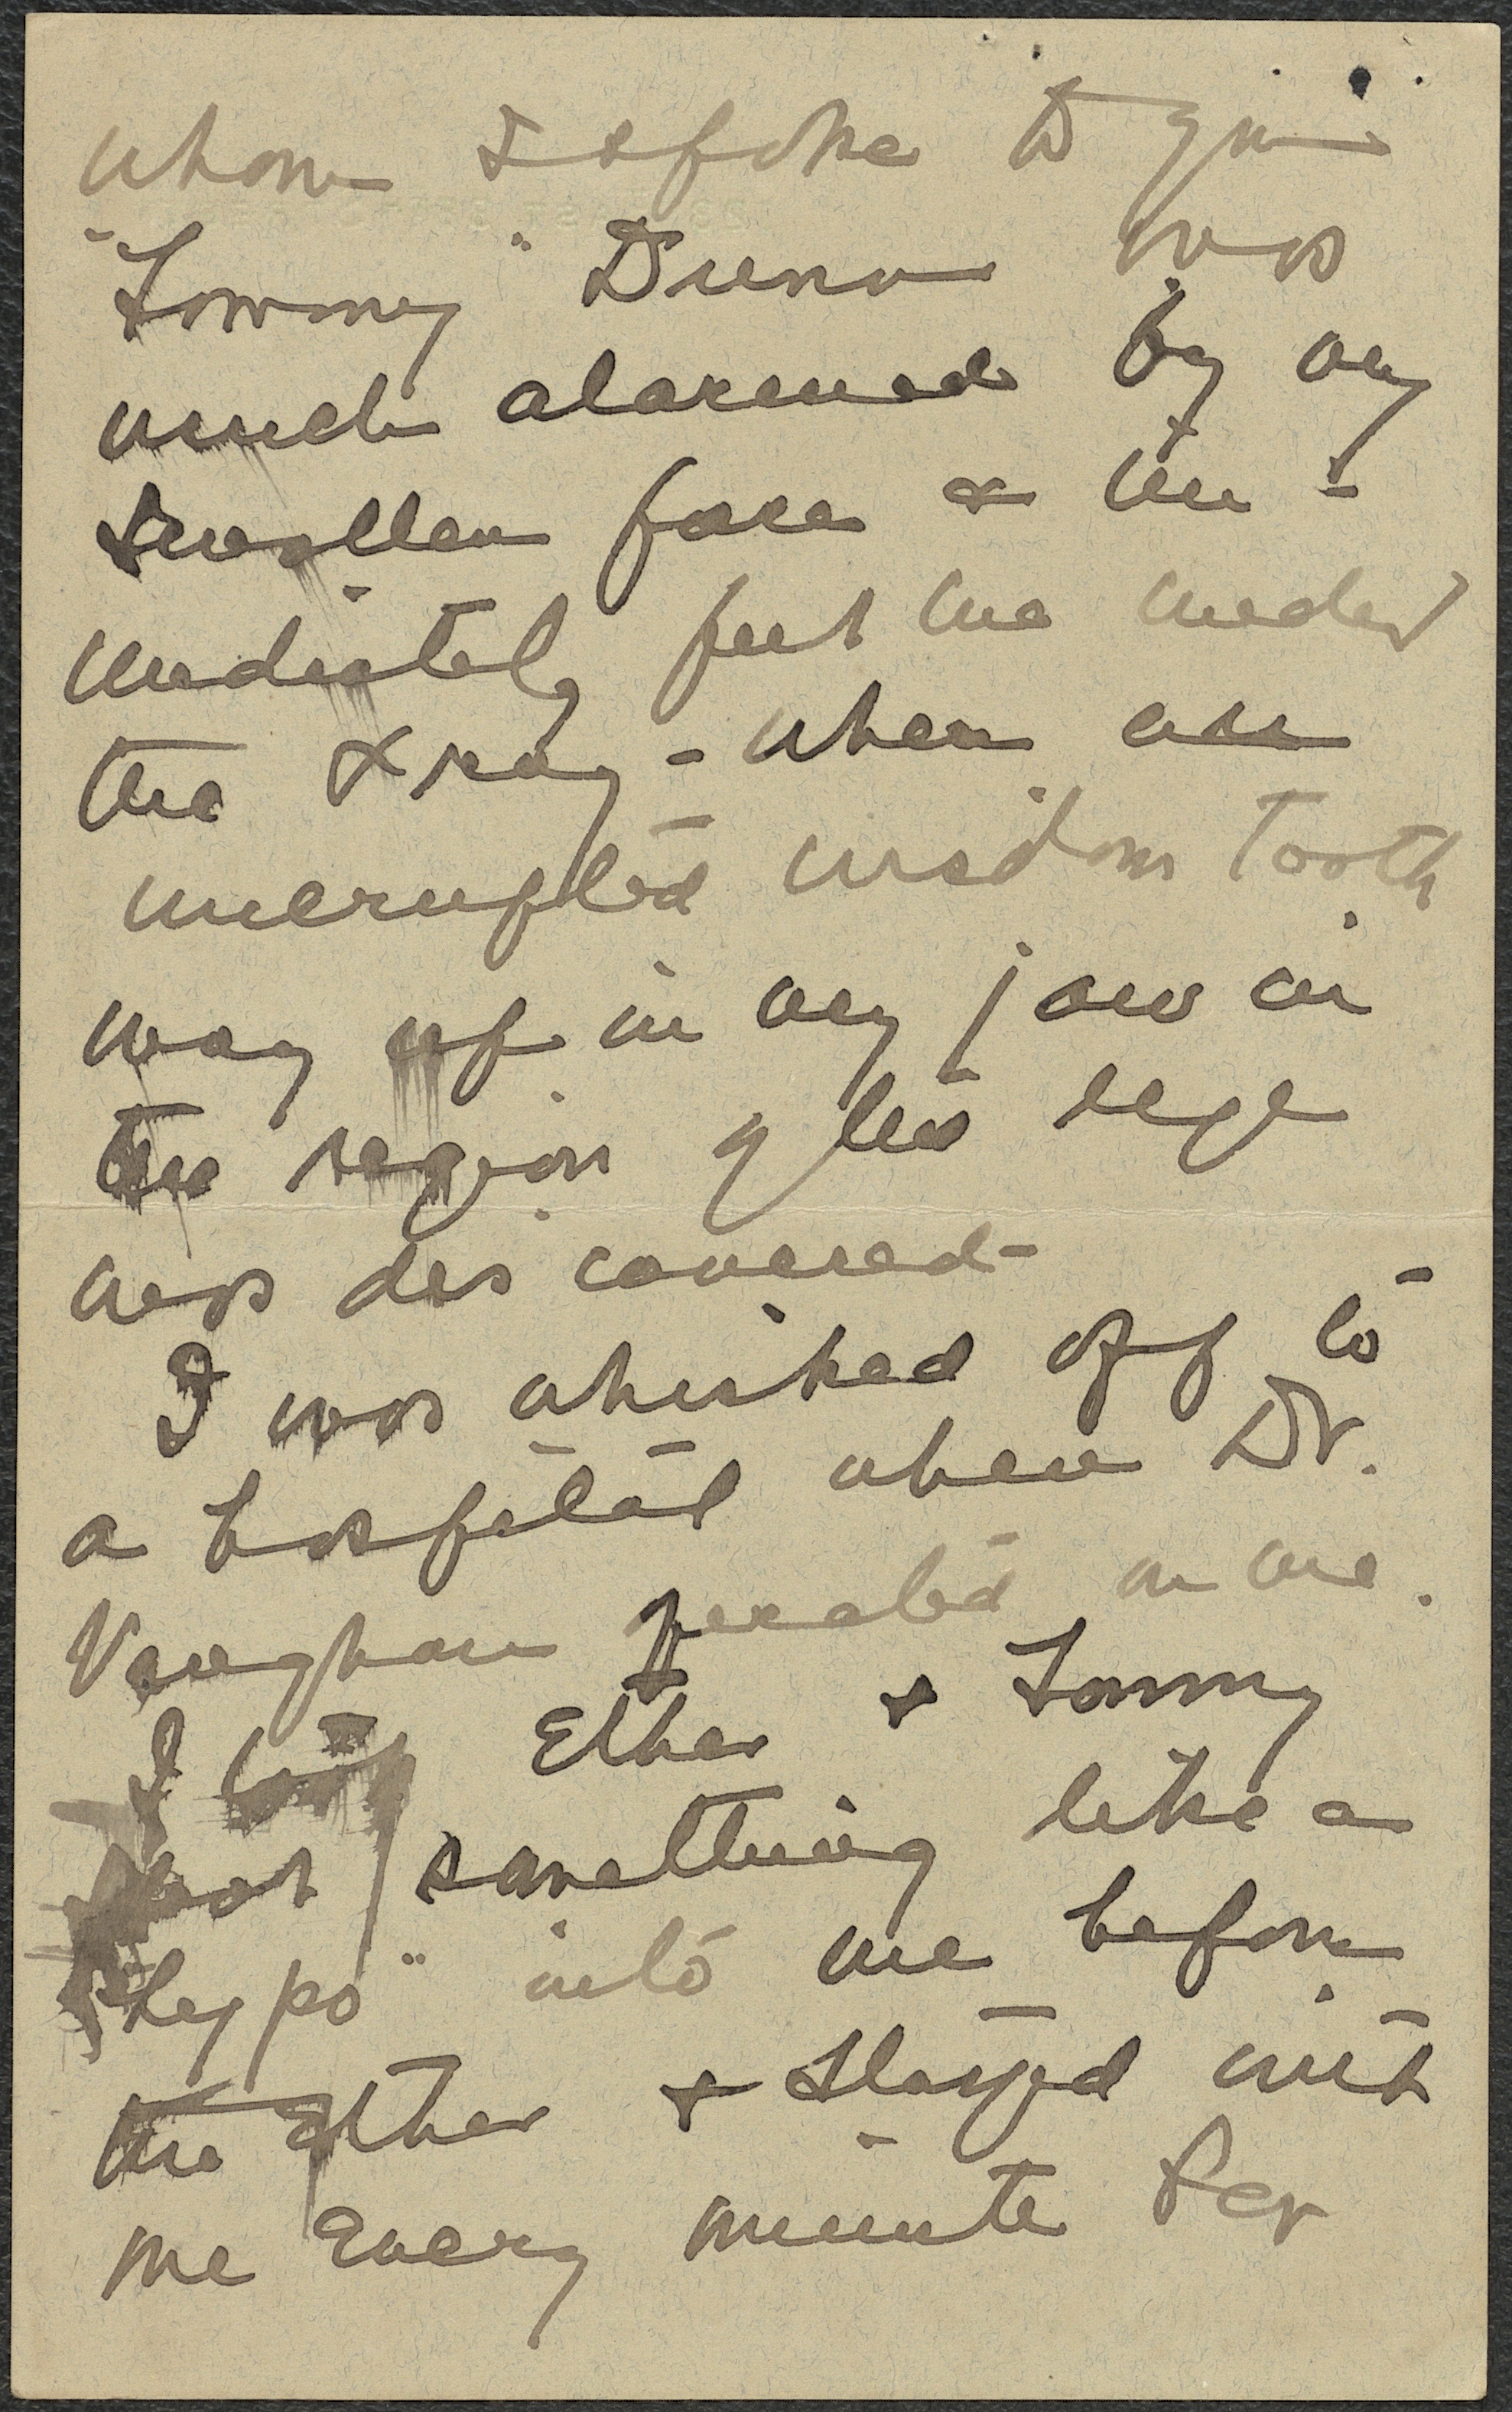whom I spoke to you ‘Tommy’ Drenu was much alarmed by my swollen face & immediately put me under the xray– where an unerupted wisdom tooth way up in my jaw in the region of the eye was discovered –
I was whisked off to a hospital where Dr. Vaughan operated on me. I took Ether & Tommy put something like a ‘hypo’ into me before the Ether & stayed with me every minute for